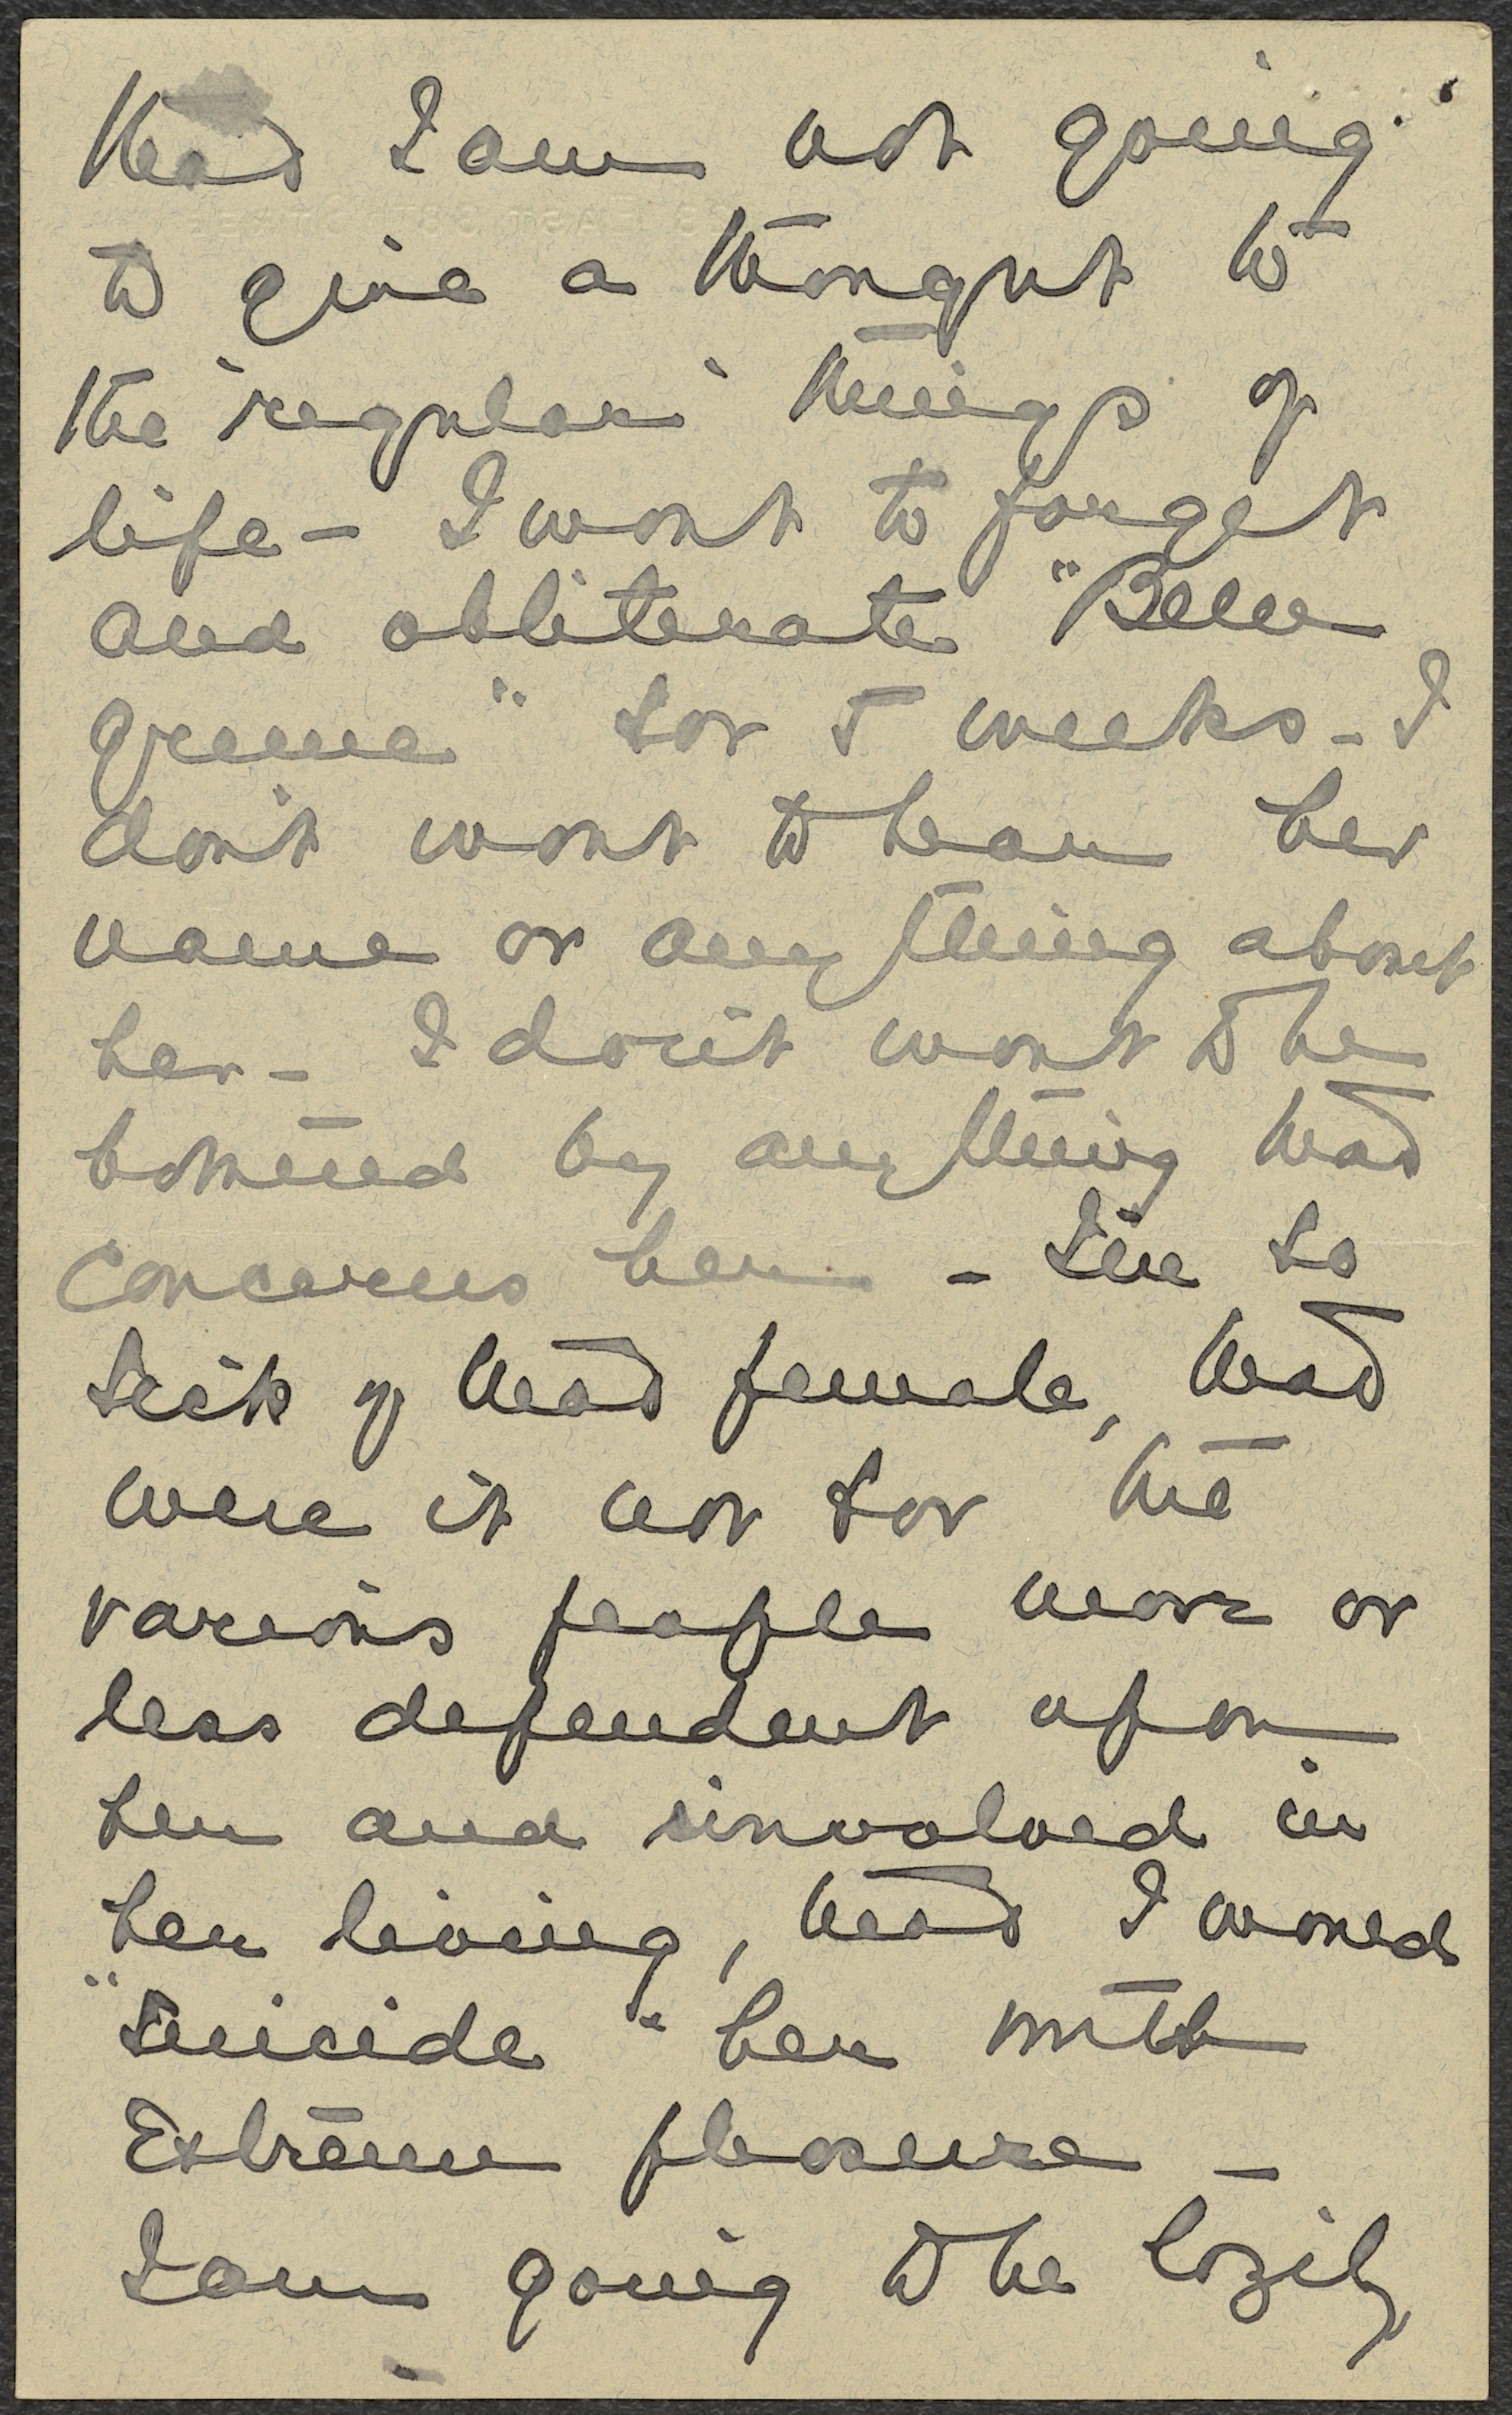that I am not going to give a thought to the “regular” things of life – I want to forget and obliterate “Belle Greene” for 5 weeks – I don’t want to hear her name or anything about her – I don’t want to be bothered by anything that concerns her – I’m so sick of that female, that were it not for the various people more or less dependent upon her and involved in her living, that I would “suicide” her with extreme pleasure – I am going to be lazily